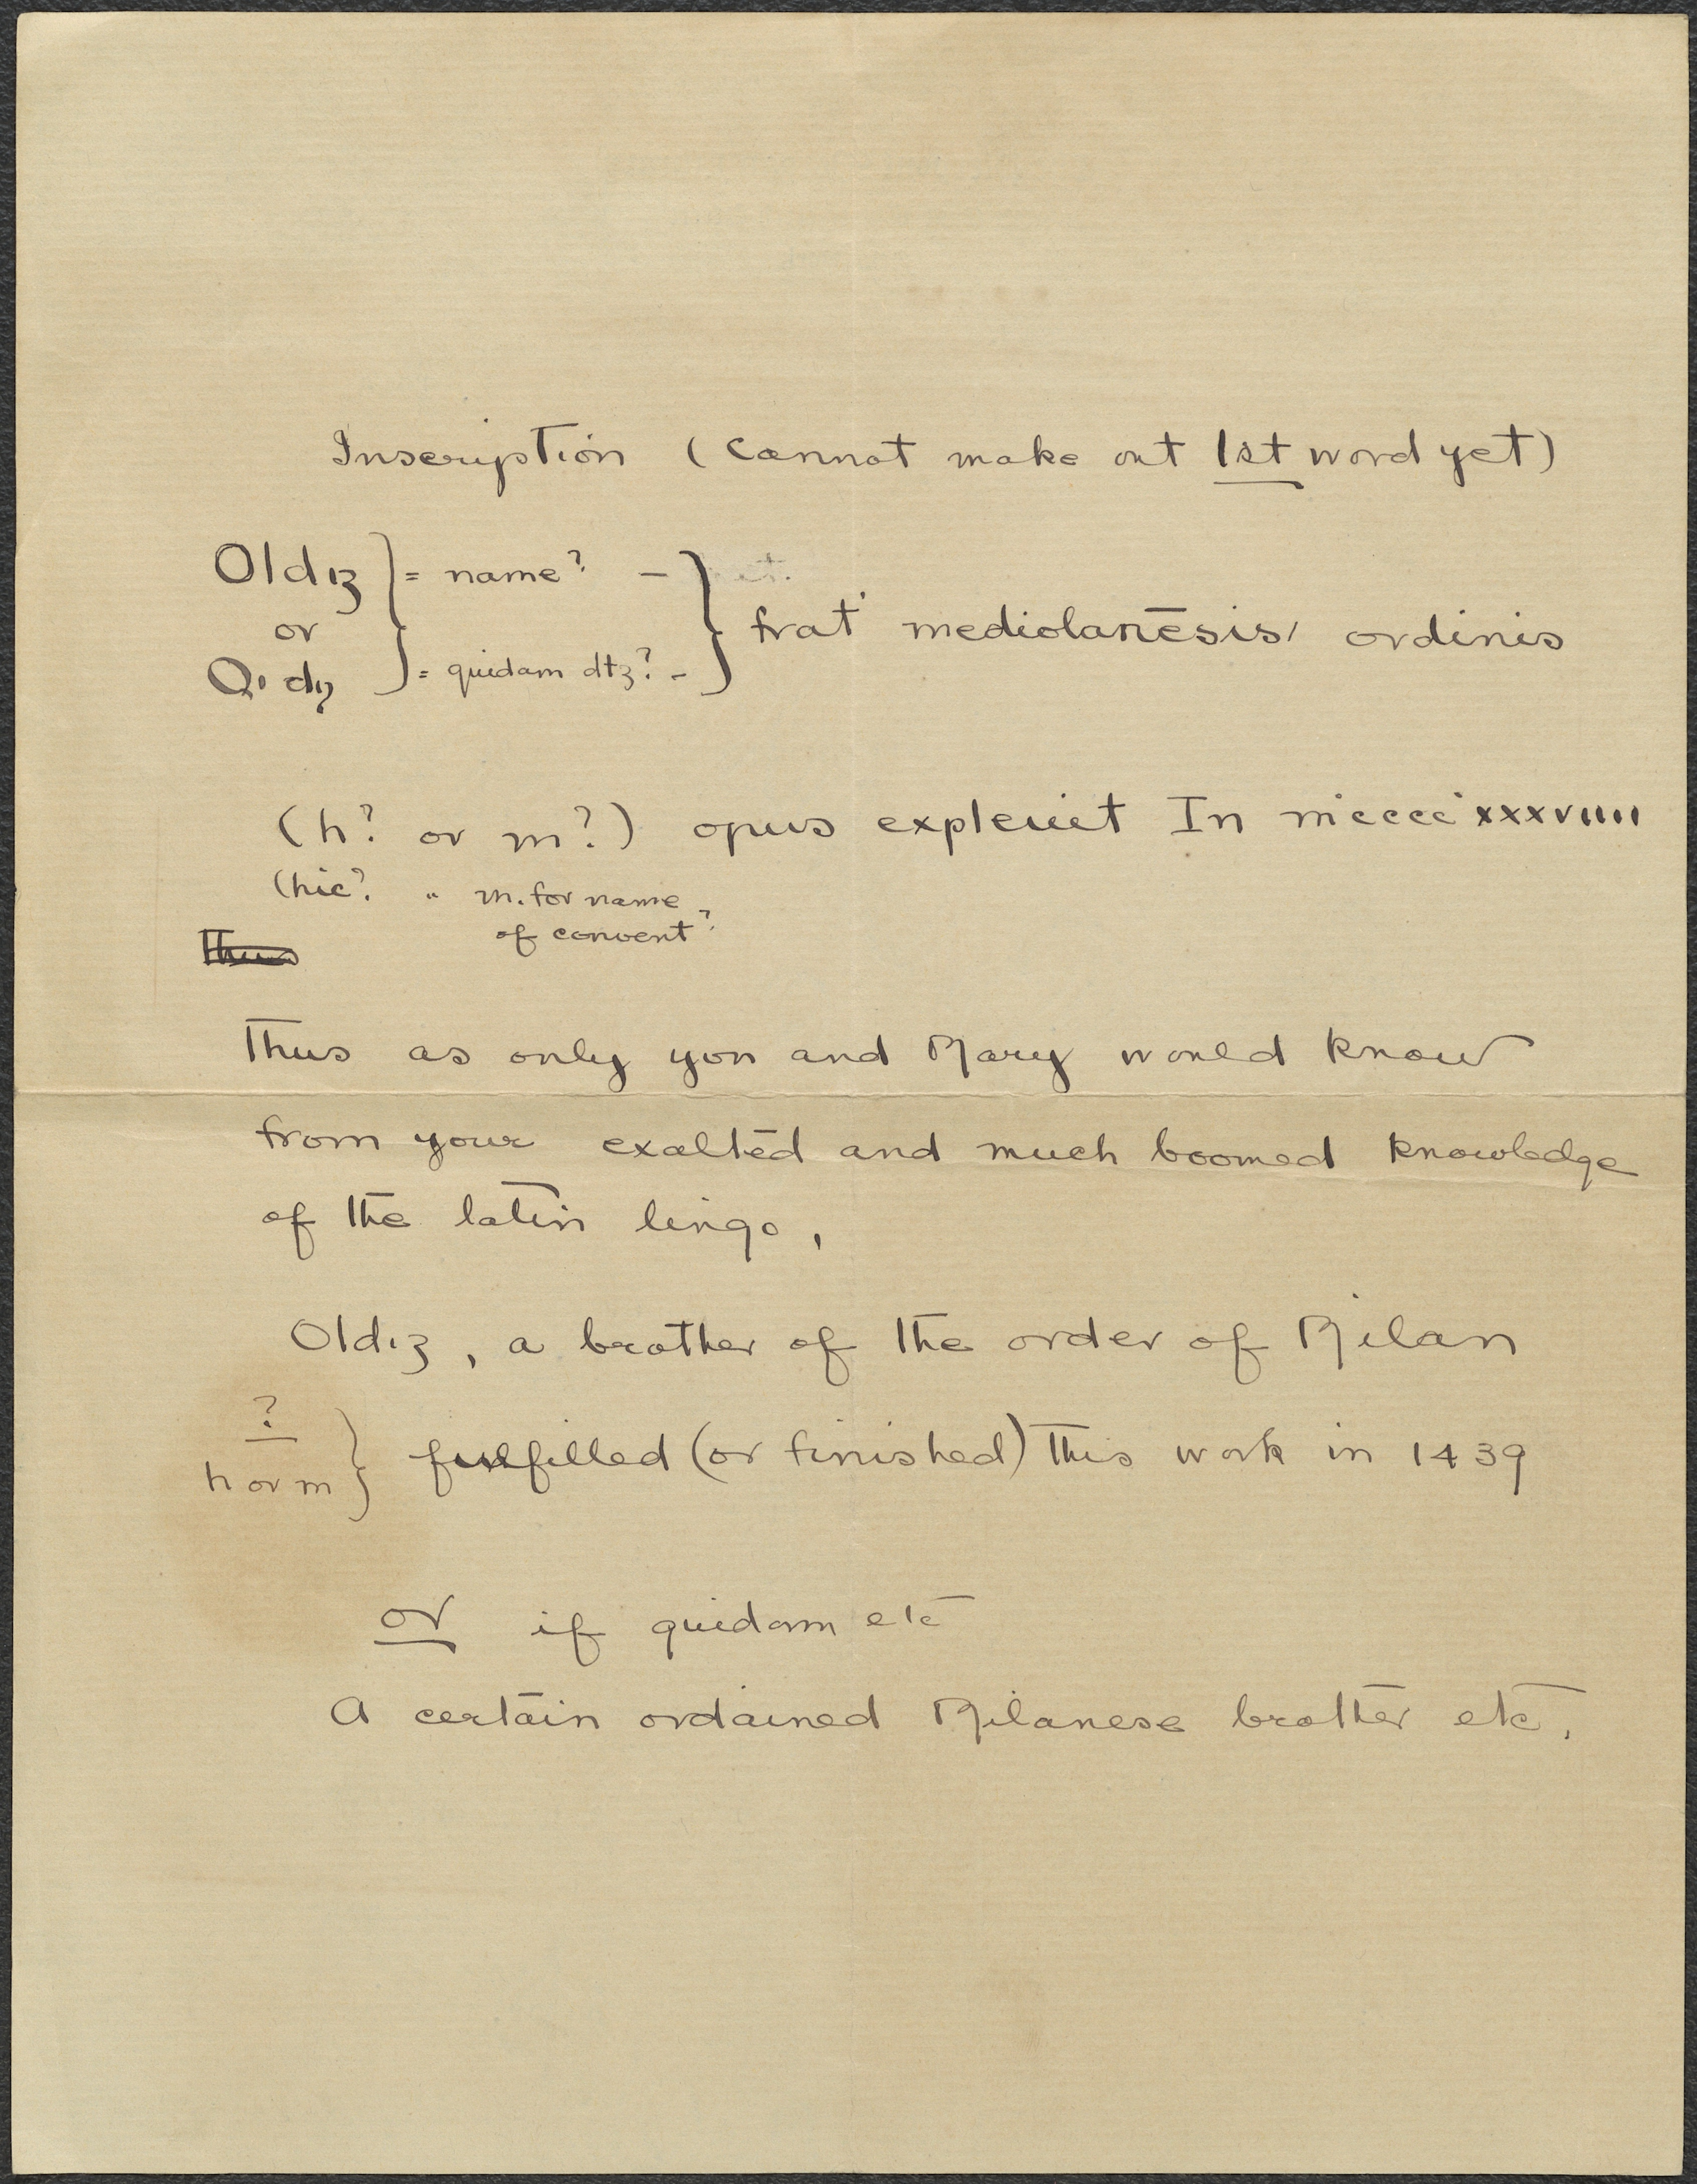[entire page is handwritten]
Inscription (cannot make out 1st word yet)
Oldiz} = name? –
or
Qidiz} = quidam dtz?
frat mediolanēsis/ ordinis
(h? or m?) opus explenit In m ccc xxxviiii
(hic? = m. for name of convent?
Thus
Thus as only you and Mary would know from your exalted and much boomed knowledge of the latin lingo,
Oldiz, a brother of the order of Milan
?/h or m} fulfilled (or finished) this work in 1439
or if quidam etc
A certain ordained Milanese brother etc.